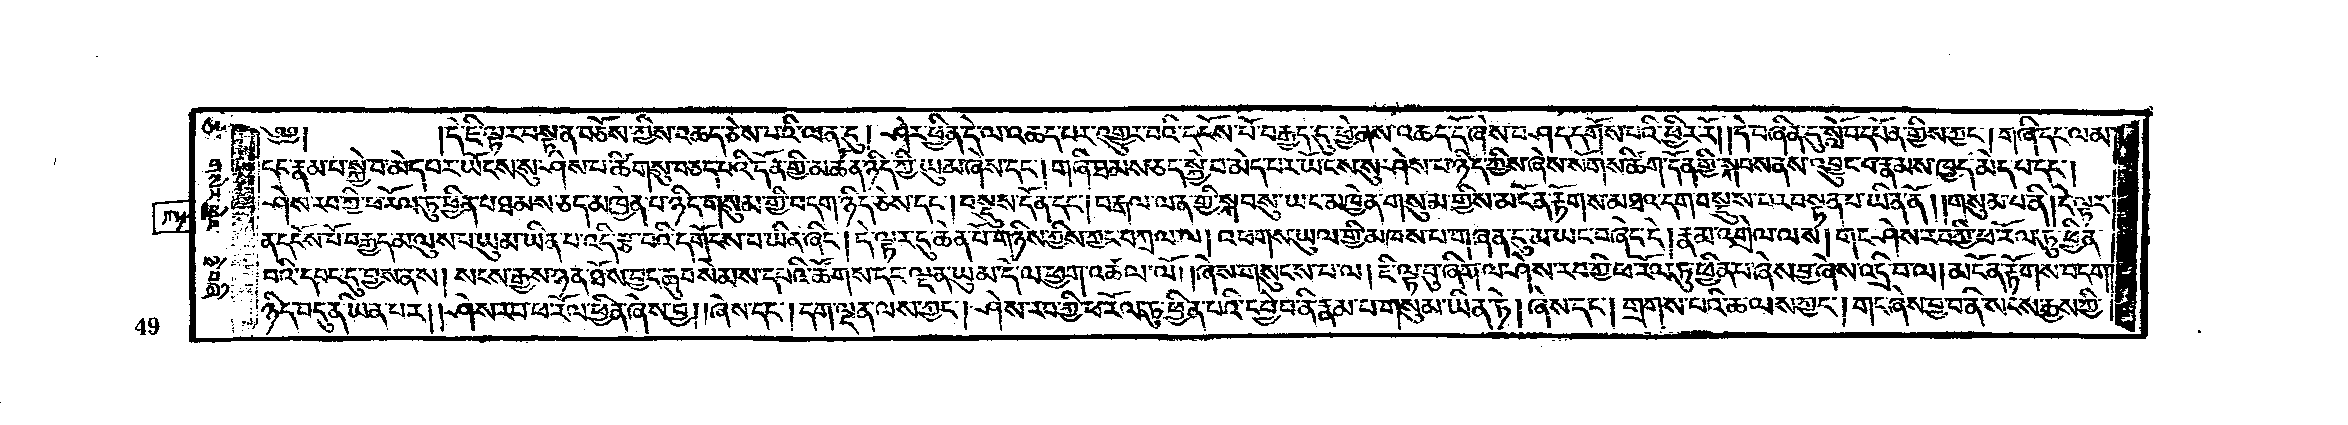༄༅། །དེ་ཇི་ལྟར་བསྟན་བཅོས་ཀྱིས་འཆད་ཅེས་པའི་ལན་དུ། ཤེར་ཕྱིན་དེ་ལ་འཆད་པར་འགྱུར་བའི་དངོས་པོ་བརྒྱད་དུ་ཕྱེ་ནས་འཆད་དོ་ཞེས་བཤད་དགོས་པའི་ཕྱིར་རོ། །དེ་བཞིན་དུ་སློབ་དཔོན་གྱིས་ཀྱང་། གཞི་དང་ལམ་
དང་རྣམ་པ་སྐྱེ་བ་མེད་པར་ཡོངས་སུ་ཤེས་པ་ཚིགས་སུ་བཅད་པའི་དོན་གྱི་མཚན་ཉིད་ཀྱི་ཡུམ་ཞེས་དང་། གཞི་ཐམས་ཅད་སྐྱེ་བ་མེད་པར་ཡོངས་སུ་ཤེས་པ་ཉིད་ཀྱིས་ཞེས་སོགས་ཚིག་དོན་གྱི་སྐབས་ནས་འབྱུང་བ་རྣམས་ཁྱད་མེད་པ་དང་།
ཤེས་རབ་ཀྱི་ཕ་རོལ་ཏུ་ཕྱིན་པ་ཐམས་ཅད་མཁྱེན་པ་ཉིད་གསུམ་གྱི་བདག་ཉིད་ཅེས་དང་། བསྡུས་དོན་དང་། བརྒལ་ལན་གྱི་སྐབས་སུ་ཡང་མཁྱེན་གསུམ་གྱིས་མངོན་རྟོགས་མཐའ་དག་བསྡུས་པར་བསྟན་པ་ཡིན་ནོ། །གསུམ་པ་ནི། དེ་ལྟར་
ན་དངོས་པོ་བརྒྱད་མ་ལུས་པ་ཡུམ་ཡིན་པ་འདི་རྩ་བའི་དགོངས་པ་ཡིན་ཞིང་། དེ་ལྟར་དུ་ཆེན་པོ་གཉིས་ཀྱིས་ཀྱང་བཀྲལ་ལ། འཕགས་ཡུལ་གྱི་མཁས་པ་གཞན་དུ་མ་ཡང་བཞེད་དེ། རྣམ་འགྲེལ་ལས། གང་ཤེས་རབ་ཀྱི་ཕ་རོལ་ཏུ་ཕྱིན་
པའི་དབང་དུ་བྱས་ནས། སངས་རྒྱས་ཉན་ཐོས་བྱང་ཆུབ་སེམས་དཔའི་ཚོགས་དང་ལྡན་ཡུམ་དེ་ལ་ཕྱག་འཚལ་ལོ། །ཞེས་གསུངས་པ་ལ། ཇི་ལྟ་བུ་ཞིག་ལ་ཤེས་རབ་ཀྱི་ཕ་རོལ་ཏུ་ཕྱིན་པ་ཞེས་བྱ་ཞེས་འདྲི་བ་ལ། མངོན་རྟོགས་བདག་
ཉིད་བདུན་ཡིན་པར། །ཤེས་རབ་ཕ་རོལ་ཕྱིན་ཞེས་བྱ། །ཞེས་དང་། དག་ལྡན་ལས་ཀྱང་། ཤེས་རབ་ཀྱི་ཕ་རོལ་ཏུ་ཕྱིན་པའི་དབྱེ་བ་ནི་རྣམ་པ་གསུམ་ཡིན་ཏེ། ཞེས་དང་། གྲགས་པའི་ཆ་ལས་ཀྱང་། གང་ཞེས་བྱ་བ་ནི་སངས་རྒྱས་ཀྱི་